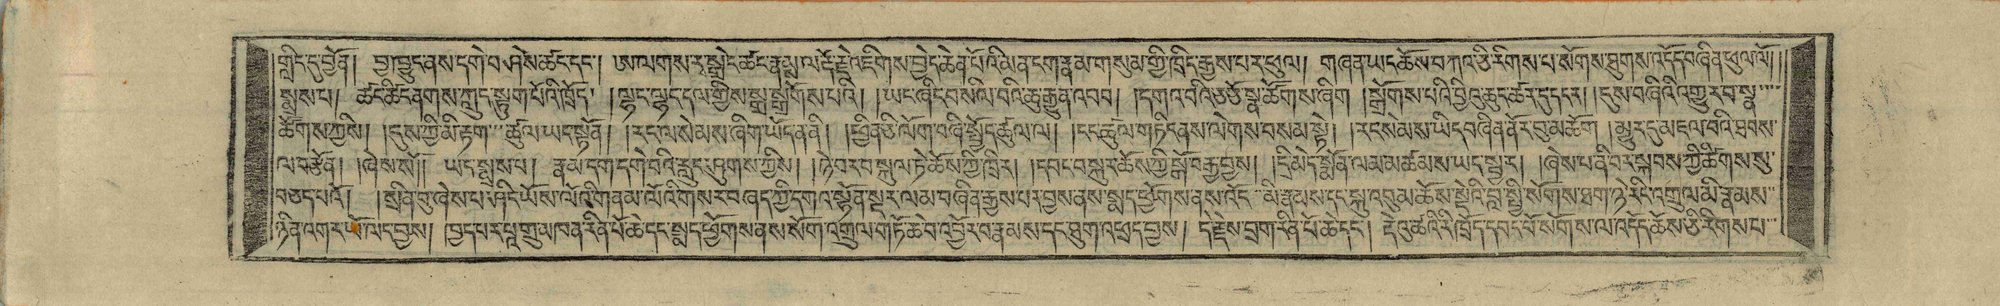གླིང་དུ་བྱོན། བྱ་ཁྱུང་ནས་དགེ་བཤེས་ཚང་དང་། ཨ་ལགས་རྭ་སྒྲེང་ཚང་རྣམས་ལ་རྡོ་རྗེ་འཇིགས་བྱེད་ཆེན་པོའི་མན་ངག་རྣམ་གསུམ་གྱི་ཁྲིད་རྒྱས་པར་ཕུལ། གཞན་ཡང་ཆོས་བཀའ་ཅི་རིགས་པ་སོགས་ཐུགས་འདོད་བཞིན་ཕུལ་ལོ། །
སྨྲས་པ། ཚང་ཚིང་ནགས་ཀླུང་སྟུག་པོའི་ཁྲོད། །ལྷང་ལྷང་དལ་གྱིས་སྒྲ་སྒྲོགས་པའི། །ཡང་ཞིང་བསིལ་བའི་ཆུ་རྒྱུན་འབབ། །དགའ་བའི་ཅ་ཅོ་སྣ་ཚོགས་ཞིག །སྒྲོགས་པའི་བྱིའུ་ཆུང་ཚར་དུ་དངར། །དུས་བཞིའི་འགྱུར་བ་སྣ་
ཚོགས་ཀྱིས། །དུས་ཀྱི་མི་རྟག་ཚུལ་ཡང་སྟོན། །རང་ལ་སེམས་ཞིག་ཡོད་ན་ནི། །ཕྱིན་ཅི་ལོག་བཞི་སྤྱོད་ཚུལ་ལ། །ངང་ཚུལ་གཏིང་ནས་ལེགས་བསམ་སྟེ། །རང་སེམས་ཡིད་བཞིན་ནོར་བུ་མཆོག །མྱུར་དུ་མཇལ་བའི་ཐབས་
ལ་བརྩོན། །ཞེས་སོ། །ཡང་སྨྲས་པ། རྣམ་དག་དགེ་བའི་རླུང་ཤུགས་ཀྱིས། །ཉེ་བར་བསྐུལ་ཏེ་ཆོས་ཀྱི་ཁྲིར། །དབང་བསྐུར་ཆོས་ཀྱི་སྒོ་བརྒྱ་བྱས། །དྲི་མེད་སྨོན་ལམ་མཚམས་ཡང་སྦྱར། །ཞེས་པ་ནི་བར་སྐབས་ཀྱི་ཚིགས་སུ་
བཅད་པའོ། །སྲིན་བུ་ཞེས་པ་ཤིང་ཡོས་ལོའི་གནམ་ལོའི་གསར་བཞད་ཀྱི་དགའ་སྟོན་སྔར་ལམ་བཞིན་རྒྱས་པར་བྱས་ནས་སྨད་ཕྱོགས་ནས་འོང་མི་རྣམས་དང་སྐུ་འབུམ་ཆོས་སྡེའི་བླ་སྤྱི་སོགས་ཐག་ཉེ་རིང་འགྲུལ་མི་རྣམས་
ཉིན་འགར་ཡོ་ལང་བྱས། ཁྱད་པར་པཱ་གྲུ་མཁན་རིན་པོ་ཆེ་དང་སྨད་ཕྱོགས་ནས་སོག་འགྲུལ་གཏོ་ཆེ་བ་འབྱོར་བ་རྣམས་དང་ཐུག་འཕྲད་བྱས། དེ་རྗེས་བྲག་རིན་པོ་ཆེ་དང་། རྡེའུ་ཚའི་རི་ཁྲོད་དབང་པོ་སོགས་ལ་འདོད་ཆོས་ཅི་རིགས་པ་